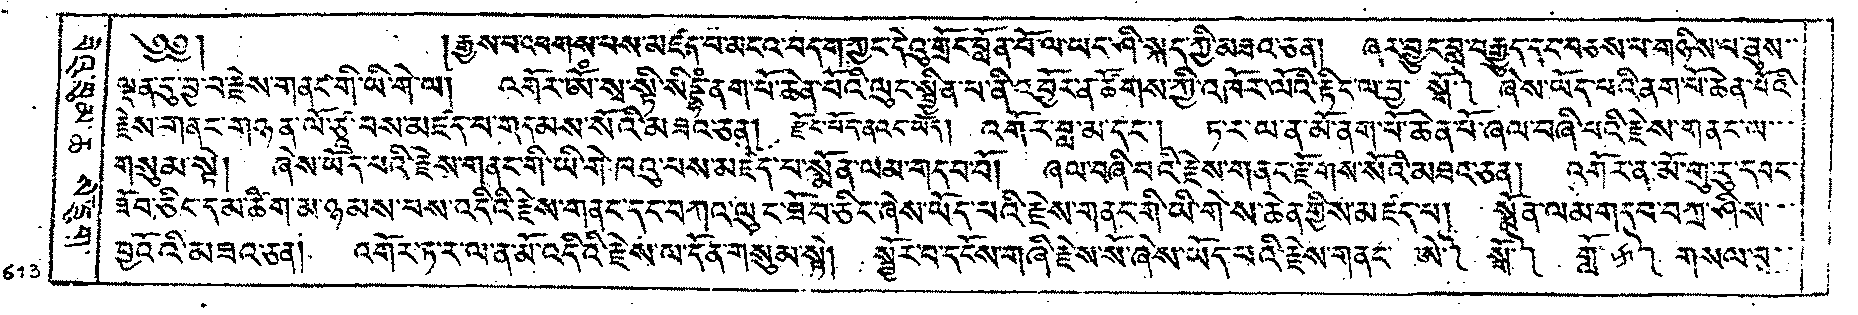༄༅། །རྒྱས་པ་འཕགས་པས་མཛད་པ་མངའ་བདག་ཀྱང་དེའུ་གྲོང་བློན་པོ་ལ་ཡང་ཤི་སྐད་ཀྱི་མཐའ་ཅན། ཞར་བྱུང་བླ་བརྒྱུད་དང་བཅས་པ་གཉིས་པ་ནུས་
ལྡན་དུ་བྱ་བ་རྗེས་གནང་གི་ཡི་གེ་ལ། འགོར་ཨོཾ་སྭ་སྟི་སིདྡྷཾ་ནག་པོ་ཆེན་པོའི་ལུང་སྦྱིན་པ་ནི་འབྱོར་ན་ཚོགས་ཀྱི་འཁོར་ལོའི་རྟིང་ལ་བྱ་སྒ྄ོ་ཞེས་ཡོད་པའི་ནག་པོ་ཆེན་པོའི་
རྗེས་གནང་གཉན་ལོ་ཙཱ་བས་མཛད་པ་གདམས་སོའི་མཐའ་ཅན། རྫོང་པོད་ནའང་ཡོད།  འགོར་བླ་མ་དང་། ཏ་ར་ལ་ན་མོ་ནག་པོ་ཆེན་པོ་ཞལ་བཞི་པའི་རྗེས་གནང་ལ་
གསུམ་སྟེ། ཞེས་ཡོད་པའི་རྗེས་གནང་གི་ཡི་གེ་ཁའུ་པས་མཛད་པ་སྨོན་ལམ་གདབ་བོ། ཞལ་བཞི་པའི་རྗེས་གནང་རྫོགས་སོའི་མཐའ་ཅན། འགོར་ན་མོ་གུ་རུ་དབང་
ཐོབ་ཅིང་དམ་ཚིག་མ་ཉམས་པས་འདིའི་རྗེས་གནང་དང་བཀའ་ལུང་ཐོབ་ཅིང་ཞེས་ཡོད་པའི་རྗེས་གནང་གི་ཡི་གེ་ས་ཆེན་གྱིས་མཛད་པ། སྨོན་ལམ་གདབ་བཀྲ་ཤིས་
བྱའོའི་མཐའ་ཅན། འགོར་ཏ་ར་ལ་ན་མོ་འདིའི་རྗེས་ལ་དོན་གསུམ་སྟེ། སྦྱོར་བ་དངོས་གཞི་རྗེས་སོ་ཞེས་ཡོད་པའི་རྗེས་གནང་ཨ྄ེ་སྒ྄ོ་གློ~྾?་གསལ་བ་